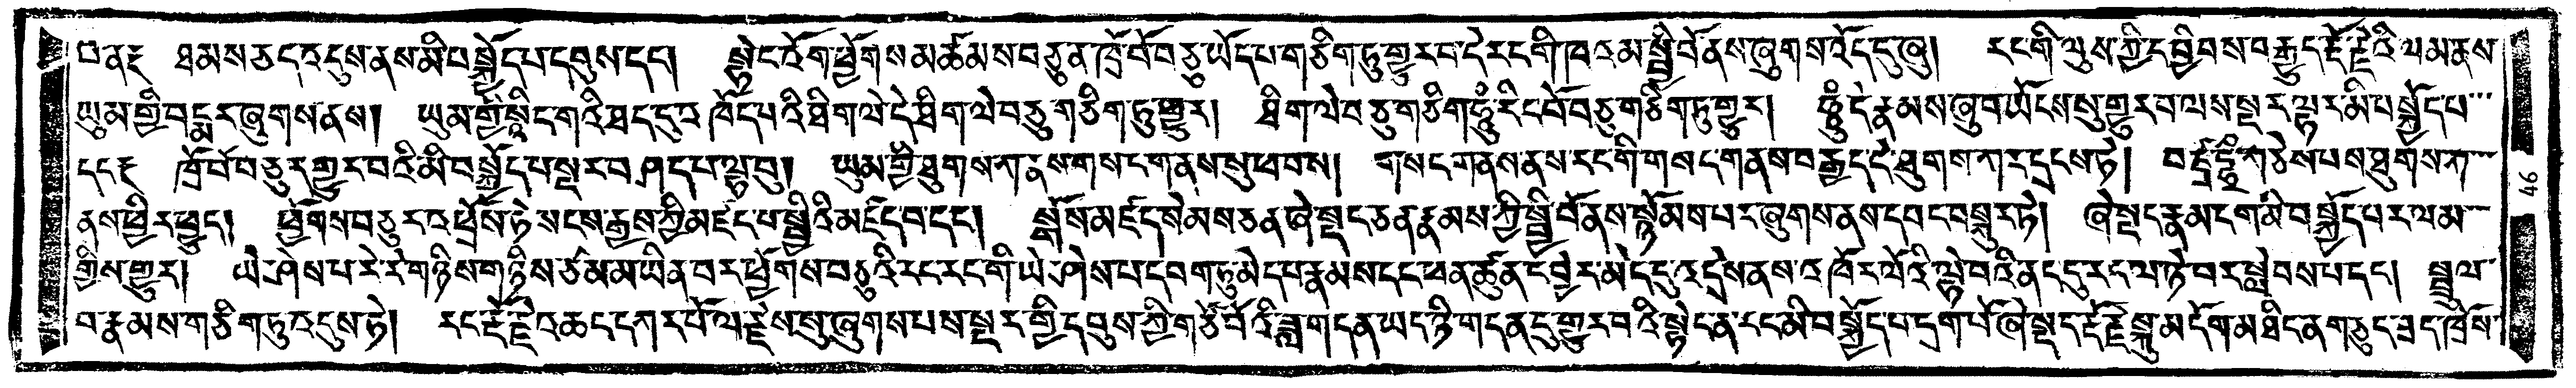བ་ན༑ ཐམས་ཅད་འདུས་ནས་མི་བསྐྱོད་པ་དབུས་དང་། སྟེང་འོག་ཕྱོགས་མཚམས་བཅུ་ན་ཁྲོ་བོ་བཅུ་ཡོད་པ་གཅིག་ཏུ་གྱུར་བ་དེ་རང་གི་ཁའམ་སྤི་བོ་ནས་ཞུགས་འོད་དུ་ཞུ། རང་གི་ལུས་ཀྱི་དབྱིབས་བརྒྱུད་རྡོ་རྗེའི་ལམ་ནས་
ཡུམ་གྱི་པདམར་ཞུགས་ནས། ཡུམ་གྱི་སྙིང་གའི་ཐད་དུ་འཁོད་པའི་ཐིག་ལེ་དེ་ཐིག་ལེ་བཅུ་གཅིག་ཏུ་གྱུར། ཐིག་ལེ་བཅུ་གཅིག་ཧཱུཾ་རིང་བོ་བཅུ་གཅིག་ཏུ་གྱུར། ཧཱུཾ་དེ་རྣམས་ཞུ་བ་ཡོངས་སུ་གྱུར་པ་ལས་སྔར་ལྷར་མི་བསྐྱོད་པ་
དང༑ ཁྲོ་བོ་བཅུར་གྱུར་བའི་མི་བསྐྱོད་པ་སྔར་བཤད་པ་ལྟ་བུ། ཡུམ་གྱི་ཐུགས་ཀ་ནས་གསང་གནས་སུ་ཕབས། གསང་གནས་ནས་རང་གི་གསང་གནས་བརྒྱད་དེ་ཐུགས་ཀར་དྲངས་ཏེ། བཛྲ་དྷྲྀ་ཀ་ཅེས་པས་ཐུགས་ཀ་
ནས་ཕྱིར་ཕྱུད། ཕྱོགས་བཅུར་འཕྲོས་ཏེ་སངས་རྒྱས་ཀྱི་མཛད་པ་སྤྱིའི་མཛད་པ་དང་། སྒོས་མཛད་སེམས་ཅན་ཞེ་སྡང་ཅན་རྣམས་ཀྱི་སྤྱི་བོ་ནས་སྙོམས་པར་ཞུགས་ནས་དབང་བསྐུར་ཏེ། ཞེ་སྡང་རྣམ་དག་མི་བསྐྱོད་པར་ལམ་
གྱིས་གྱུར། ཡེ་ཤེས་པ་རེ་རེ་གཉིས་གཉིས་ཙམ་མ་ཡིན་པར་ཕྱོགས་བཅུའི་རང་རང་གི་ཡེ་ཤེས་པ་དཔག་ཏུ་མེད་པ་རྣམས་དང་ཕན་ཚུན་དབྱེར་མེད་དུ་འདྲེས་ནས་འཁོར་ལོའི་ལྟེ་བའི་ནང་དུ་རང་ལ་ཉེ་བར་སླེབས་པ་དང་། སྤྲུལ་
བ་རྣམས་གཅིག་ཏུ་འདུས་ཏེ། རང་རྡོ་རྗེ་འཆང་དཀར་པོ་ལ་རྗེས་སུ་ཞུགས་པས་སྔར་གྱི་དབུས་ཀྱི་གཙོ་བོའི་ཟླ་གདན་ཡང་ཉི་གདན་དུ་གྱུར་བའི་སྟེང་ན་རང་མི་བསྐྱོད་པ་དྲག་པོ་ཞེ་སྡང་རྡོ་རྗེ་སྐུ་མདོག་མཐིང་ནག་ཅུང་ཟད་ཁྲོས་